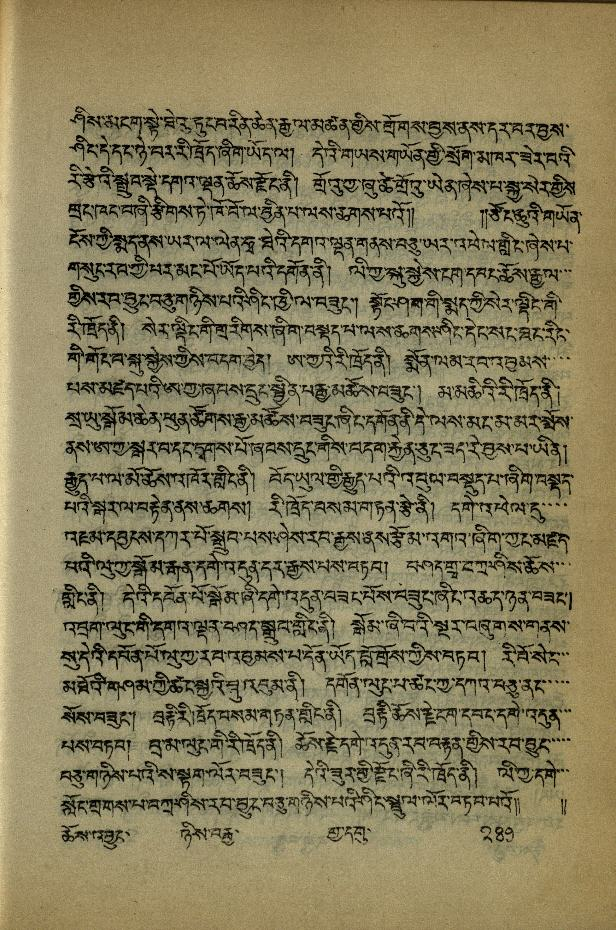ཤིས་མངག་སྟེ་ཐེའུ་ཏུང་བ་རིན་ཆེན་རྒྱལ་མཚན་གྱིས་གྲོགས་བྱས་ནས་དར་བར་བྱས་
ཤིང་དེ་དང་ཉེ་བར་རི་ཁྲོད་ཞིག་ཡོད་ལ། དེའི་གཡས་གཡོན་གྱི་སྲོག་མཁར་ཟེར་བའི་
རི་རྩེའི་སྒྲུབ་སྡེ་དགའ་ལྡན་ཆོས་རྫོང་ནི། གྲོའུ་ཀྱ་ཞུ་ཚེ་གྲོའུ་ཡེན་ཞེས་པ་སྐྱ་སེར་གྱིས་
གྲང་ཁང་བཞི་རྩིགས་ཏེ་ཁོ་བོ་ལ་བྱིན་པ་ལས་ཆགས་པའོ།། །།ཙོང་ཆུའི་གཡོན་
ངོས་ཀྱི་སྨད་ནས་ཡར་ལ་ལེན་ཧྭ་ཐེའི་དགའ་ལྡན་གནས་བཅུ་ཡར་འཕེལ་གླིང་ཞེས་པ་
གསུང་རབ་ཀྱི་པར་མང་པོ་ཡོད་པའི་དགོན་ནི། ལི་ཀྱ་སྐུ་སྐྱེས་ངག་དབང་ཆོས་རྒྱལ་
གྱིས་རབ་བྱུང་བཅུ་གཉིས་པའི་ཤིང་ཁྱི་ལ་བཟུང་། སྟོང་ཤག་གི་སྨད་ཀྱི་སེར་ལྡིང་གི་
རི་ཁྲོད་ནི། སེར་ལྡིང་གི་གྲ་རིགས་ཞིག་བསྡད་པ་ལས་ཆགས་ཤིང་དེང་སང་ཐང་རིང་
གི་གོང་བ་སྐུ་སྐྱེས་ཀྱིས་བདག་བྱེད། ཨ་ཀྱའི་རི་ཁྲོད་ནི། སྨོན་ལམ་རབ་འབྱམས་
པས་མཛད་པའི་ཨ་ཀྱ་ཞབས་དྲུང་སྦྱིན་པ་རྒྱ་མཚོས་བཟུང་། མ་མཆིའི་རི་ཁྲོད་ནི།
སྲ་ཡུ་སྒོམ་ཆེན་ཕུན་ཚོགས་རྒྱ་མཚོས་བཟུང་ཞིང་དགོན་ནི་དེ་ལས་མང་མ་མར་སྤོས་
ནས་ཨ་ཀྱ་སྒར་བ་དང་དྭགས་པོ་ཞབས་དྲུང་གིས་བདག་རྐྱེན་ཅུང་ཟད་རེ་བྱས་པ་ཡིན།
རྒྱུད་པ་ལ་མོ་ཆོས་འཁོར་གླིང་ནི། བོད་ཡུལ་གྱི་རྒྱུད་པའི་འབུལ་བསྡུས་པ་ཞིག་བསྡད་
པའི་སྒར་ལ་བརྟེན་ནས་ཆགས། རི་ཁྲོད་བསམ་གཏན་རྩེ་ནི། དགེ་འཕེལ་དུ་
འཇམ་དབྱངས་དཀར་པོ་སྒྲུབ་པས་ཤེས་རབ་རྒྱས་ནས་རྩོམ་འགའ་ཞིག་ཀྱང་མཛད་
པའི་ལུ་ཀྱ་སྒོམ་རྒན་དགེ་འདུན་དར་རྒྱས་པས་བཏབ། བཤད་གྲྭ་བཀྲ་ཤིས་ཆོས་
གླིང་ནི། དེའི་དབོན་པོ་སྒོམ་ཞི་དགེ་འདུན་བཟང་པོས་བཟུང་ཞིང་འཆད་ཉན་བཟང་།
འབྲག་ལུང་གི་དགའ་ལྡན་བཤད་སྒྲུབ་གླིང་ནི། སྒོམ་ཞི་བའི་སྔར་བཞུགས་གནས་
སུ་དེའི་དབོན་པོ་ལུ་ཀྱ་རབ་འབྱམས་པ་དོན་ཡོད་བློ་གྲོས་ཀྱིས་བཏབ། རི་བོ་སེར་
མཐོའི་གཤམ་ཀྱི་ཚང་སྐྱའི་ཐུ་འབུམ་ནི། དགོན་ལུང་པ་ཚང་ཀྱ་དགའ་བཅུ་ནང་
སོས་བཟུང་། བྲརྟི་རི་ཁྲོད་བསམ་གཏན་གླིང་ནི། བྲརྟི་ཆོས་རྗེ་ངག་དབང་དགེ་འདུན་
པས་བཏབ། བྲ་མ་ལུང་གི་རི་ཁྲོད་ནི། ཆོས་རྗེ་དགེ་འདུན་རབ་བརྟན་གྱིས་རབ་བྱུང་
བཅུ་གཉིས་པའི་ས་སྟག་ལོར་བཟུང་། དེའི་ཟུར་གྱི་རྫོང་ཞི་རི་ཁྲོད་ནི། ལི་ཀྱ་དགེ་
སློང་གྲགས་པ་བཀྲ་ཤིས་རབ་བྱུང་བཅུ་གཉིས་པའི་ཤིང་སྦྲུལ་ལོར་བཏབ་པའོ།། །།